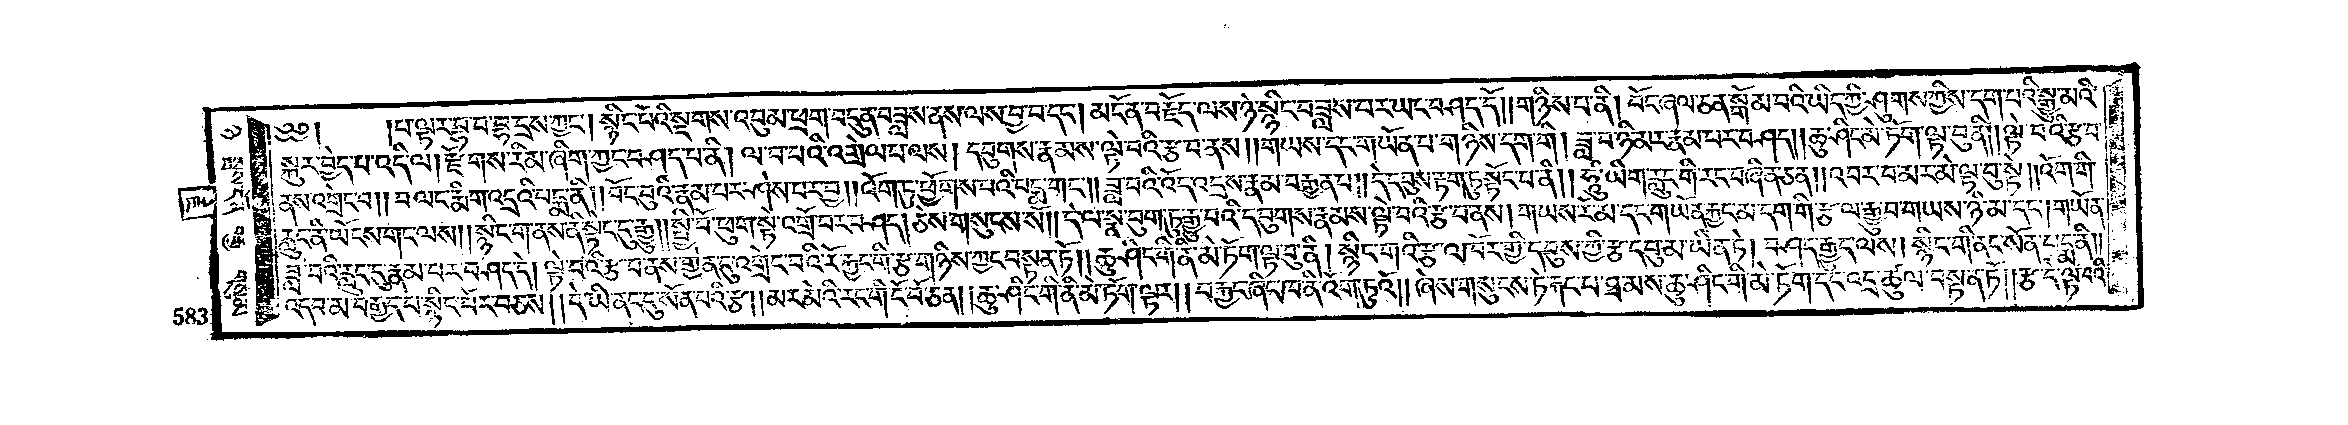༄༅། །པ་ལྟར་བྷ་བ་བྷ་དྲས་ཀྱང་། སྙིང་པོའི་སྔགས་འབུམ་ཕྲག་བདུན་བཟླས་ནས་ལས་བྱ་བ་དང་། མངོན་བརྗོད་ལས་ཉེ་སྙིང་བཟླས་པར་ཡང་བཤད་དོ། །གཉིས་པ་ནི། བོང་ཞལ་ཅན་སྒོམ་པའི་ཡིད་ཀྱི་ཤུགས་ཀྱིས་དག་པའི་སྒྱུ་མའི་
སྐུར་བྱེད་པ་འདི་ལ། རྫོགས་རིམ་ཞིག་ཀྱང་བཤད་པ་ནི། ལ་བ་པའི་འགྲེལ་པ་ལས། དབུགས་རྣམས་ལྟེ་བའི་རྩ་བ་ནས། །གཡས་དང་གཡོན་པ་གཉིས་དག་གི །ཟླ་བ་ཉི་མར་རྣམ་པར་བཤད། །ཆུ་ཤིང་མེ་ཏོག་ལྟ་བུ་ནི། །ལྟེ་བའི་རྩ་བ་
ནས་འགྲེང་བ། །བ་ལང་རྨིག་འདྲའི་པདམ་ནི། །བོང་བུའི་རྣམ་པར་ཤེས་པར་བྱ། །འོག་ཏུ་ཕྱོགས་པའི་པདམ་གང་། །ཟླ་བའི་འོད་འདྲས་རྣམ་བརྒྱན་པ། །དེ་དབུས་རྟག་ཏུ་སྟོང་པ་ནི། །ཧཱུཾ་ཡིག་རླུང་གི་རང་བཞིན་ཅན། །འབར་བ་མར་མེ་ལྟ་བུ་སྟེ། །འོག་གི་
རླུང་ནི་ཡོངས་གང་ལས། །སྙིང་ག་ནས་ནི་སྟེང་དུ་རྒྱུ། །སྤྱི་བོ་ཕུག་སྟེ་འགྲོ་བར་བཤད། ཅེས་གསུངས་སོ། །དེ་ལ་སྣ་བུག་ཏུ་རྒྱུ་བའི་དབུགས་རྣམས་ལྟེ་བའི་རྩ་བ་ནས། གཡས་རོ་མ་དང་གཡོན་རྐྱང་མ་དག་གི་རྩ་ལ་རྒྱུ་བ་གཡས་ཉི་མ་དང་། གཡོན་
ཟླ་བའི་རླུང་དུ་རྣམ་པར་བཤད་དེ། ལྟེ་བའི་རྩ་བ་ནས་གྱེན་དུ་འགྲེང་བའི་རོ་རྐྱང་གི་རྩ་གཉིས་ཀྱང་བསྟན་ཏོ། །ཆུ་ཤིང་གི་ནི་མེ་ཏོག་ལྟ་བུ་ནི། སྙིང་གའི་རྩ་འཁོར་གྱི་དབུས་ཀྱི་རྩ་དབུ་མ་ཡིན་ཏེ། བཤད་རྒྱུད་ལས། སྙིང་གི་ནང་སོན་པདམ་ནི།།
འདབ་མ་བརྒྱད་པ་སྙིང་པོར་བཅས། །དེ་ཡི་ནང་དུ་སོན་པའི་རྩ། །མར་མེའི་རང་གི་ངོ་བོ་ཅན། །ཆུ་ཤིང་གི་ནི་མེ་ཏོག་ལྟར། །བརྐྱང་ཞིང་ཁ་ནི་འོག་ཏུའོ། །ཞེས་གསུངས་ཏེ་རྐང་པ་ཐ་མས་ཆུ་ཤིང་གི་མེ་ཏོག་དང་འདྲ་ཚུལ་བསྟན་ཏོ། །རྩ་དེ་ལྟ་བའི་